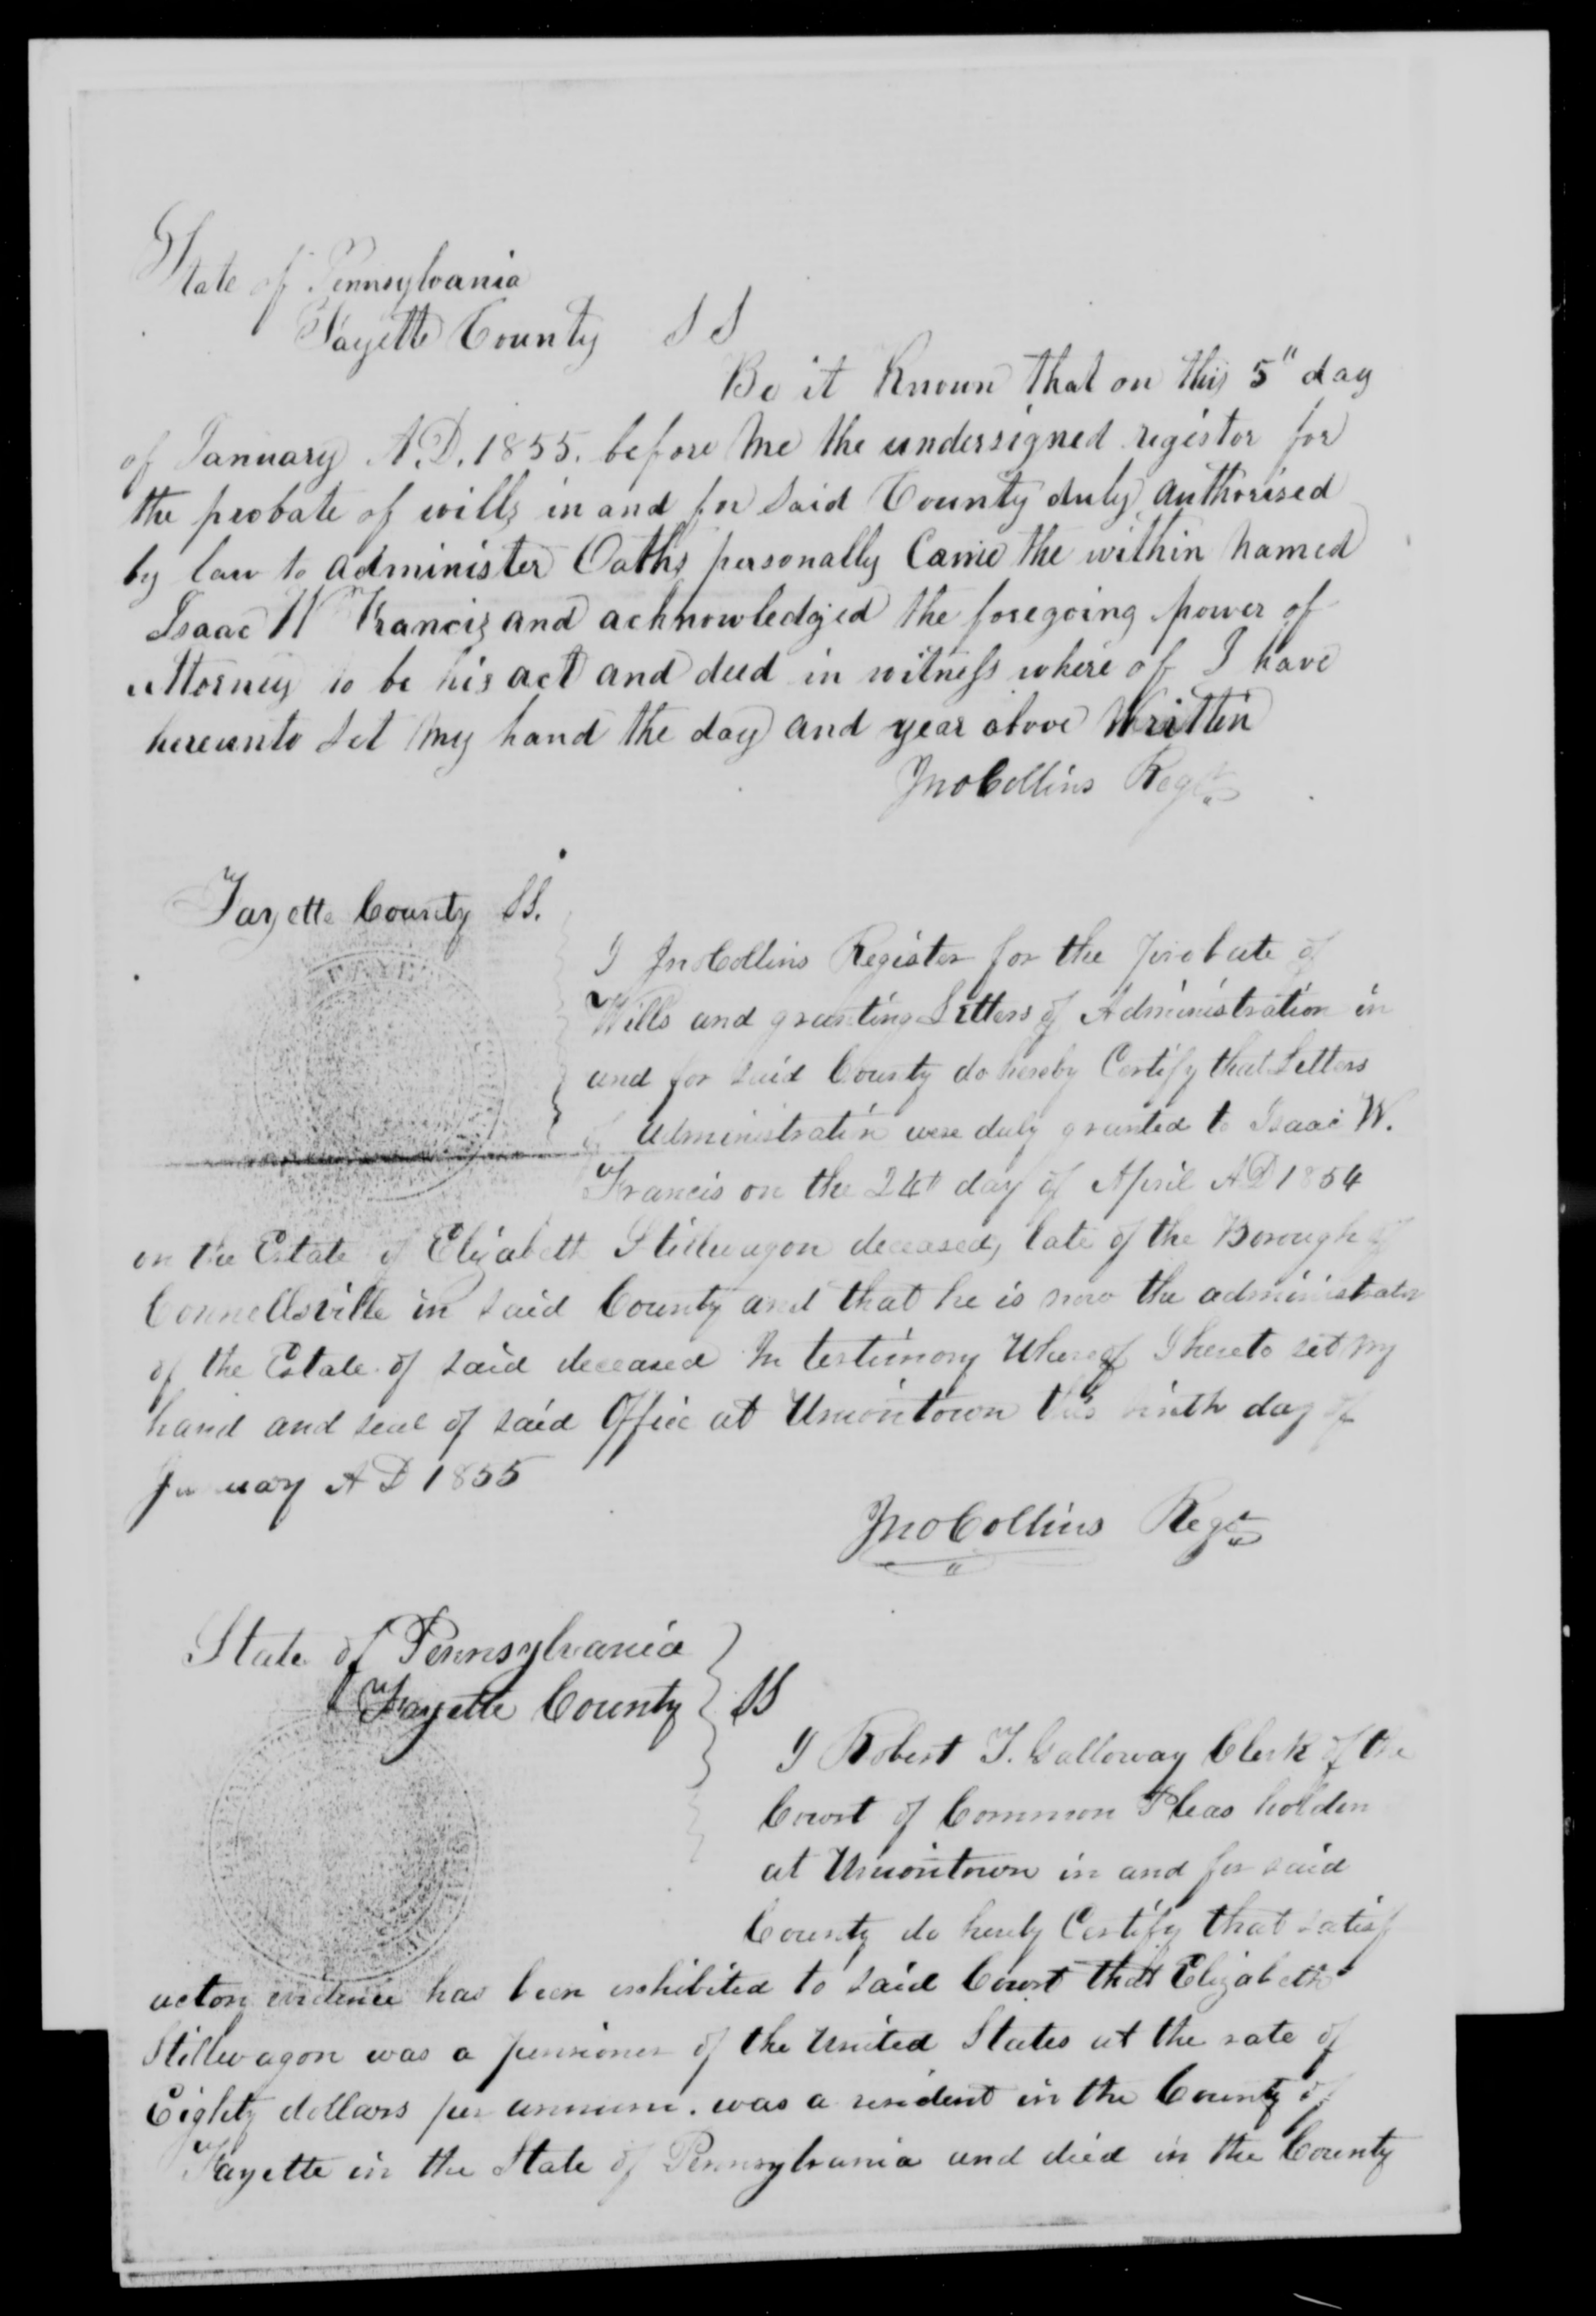State of Pennsylvania
Fayette County SS
Be it known that on this 5th day of January AD 1855 before me the undersigned register for the probate of wills in and for Said County duly authorised [sic] by law to administer Oaths personally came the within named Isaac W Francis and acknowledged the forgoing power of attorney to be his act and deed in witness where of I have hereunto Set my hand the day and year above written
                                                   Jno Collins Regt
Fayette County SS
[county seal appears to be shown]
I Jno Collins Register for the probate of  Wills and [unclear] Letters of Administration in and for Said County do hereby Certify that Letters of Administration were duly granted to Isaac W. Francis on the 24th day of April 1854 on the estate of Elizabeth Stillwagon deceased, late of the Borough of Connellsville in Said County and that he is now the administrator of the Estate of said deceased in testimony whereof I hereunto set my hand and seal of said Office at Uniontown this ninth day of January AD 1855
                                            Jno Collins Regt
State of Pennsylvania
Fayette County      [bracket] SS
[seal]
I Robert T. Galloway Clerk of the Court of Common Pleas holden [sic] at Uniontown in and for said County do hereby Certify that satisfactory evidence has been exhibited to said Court that Elizabeth Stillwagon was a pensioner of the United States at the rate of Eighty dollars per annum was a resident in the County of Fayette in the State of Pennsylvania and died in the County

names: Elizabeth Stillwagon; Isaac W Francis; Jno Collins; Robert T Galloway; Issac W Francis; Elizabeth Stillwagon; Jno Collins; Jno Collins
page: 13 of 73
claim: widow's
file: W. 3197, for Peter Stillwagon, New Jersey